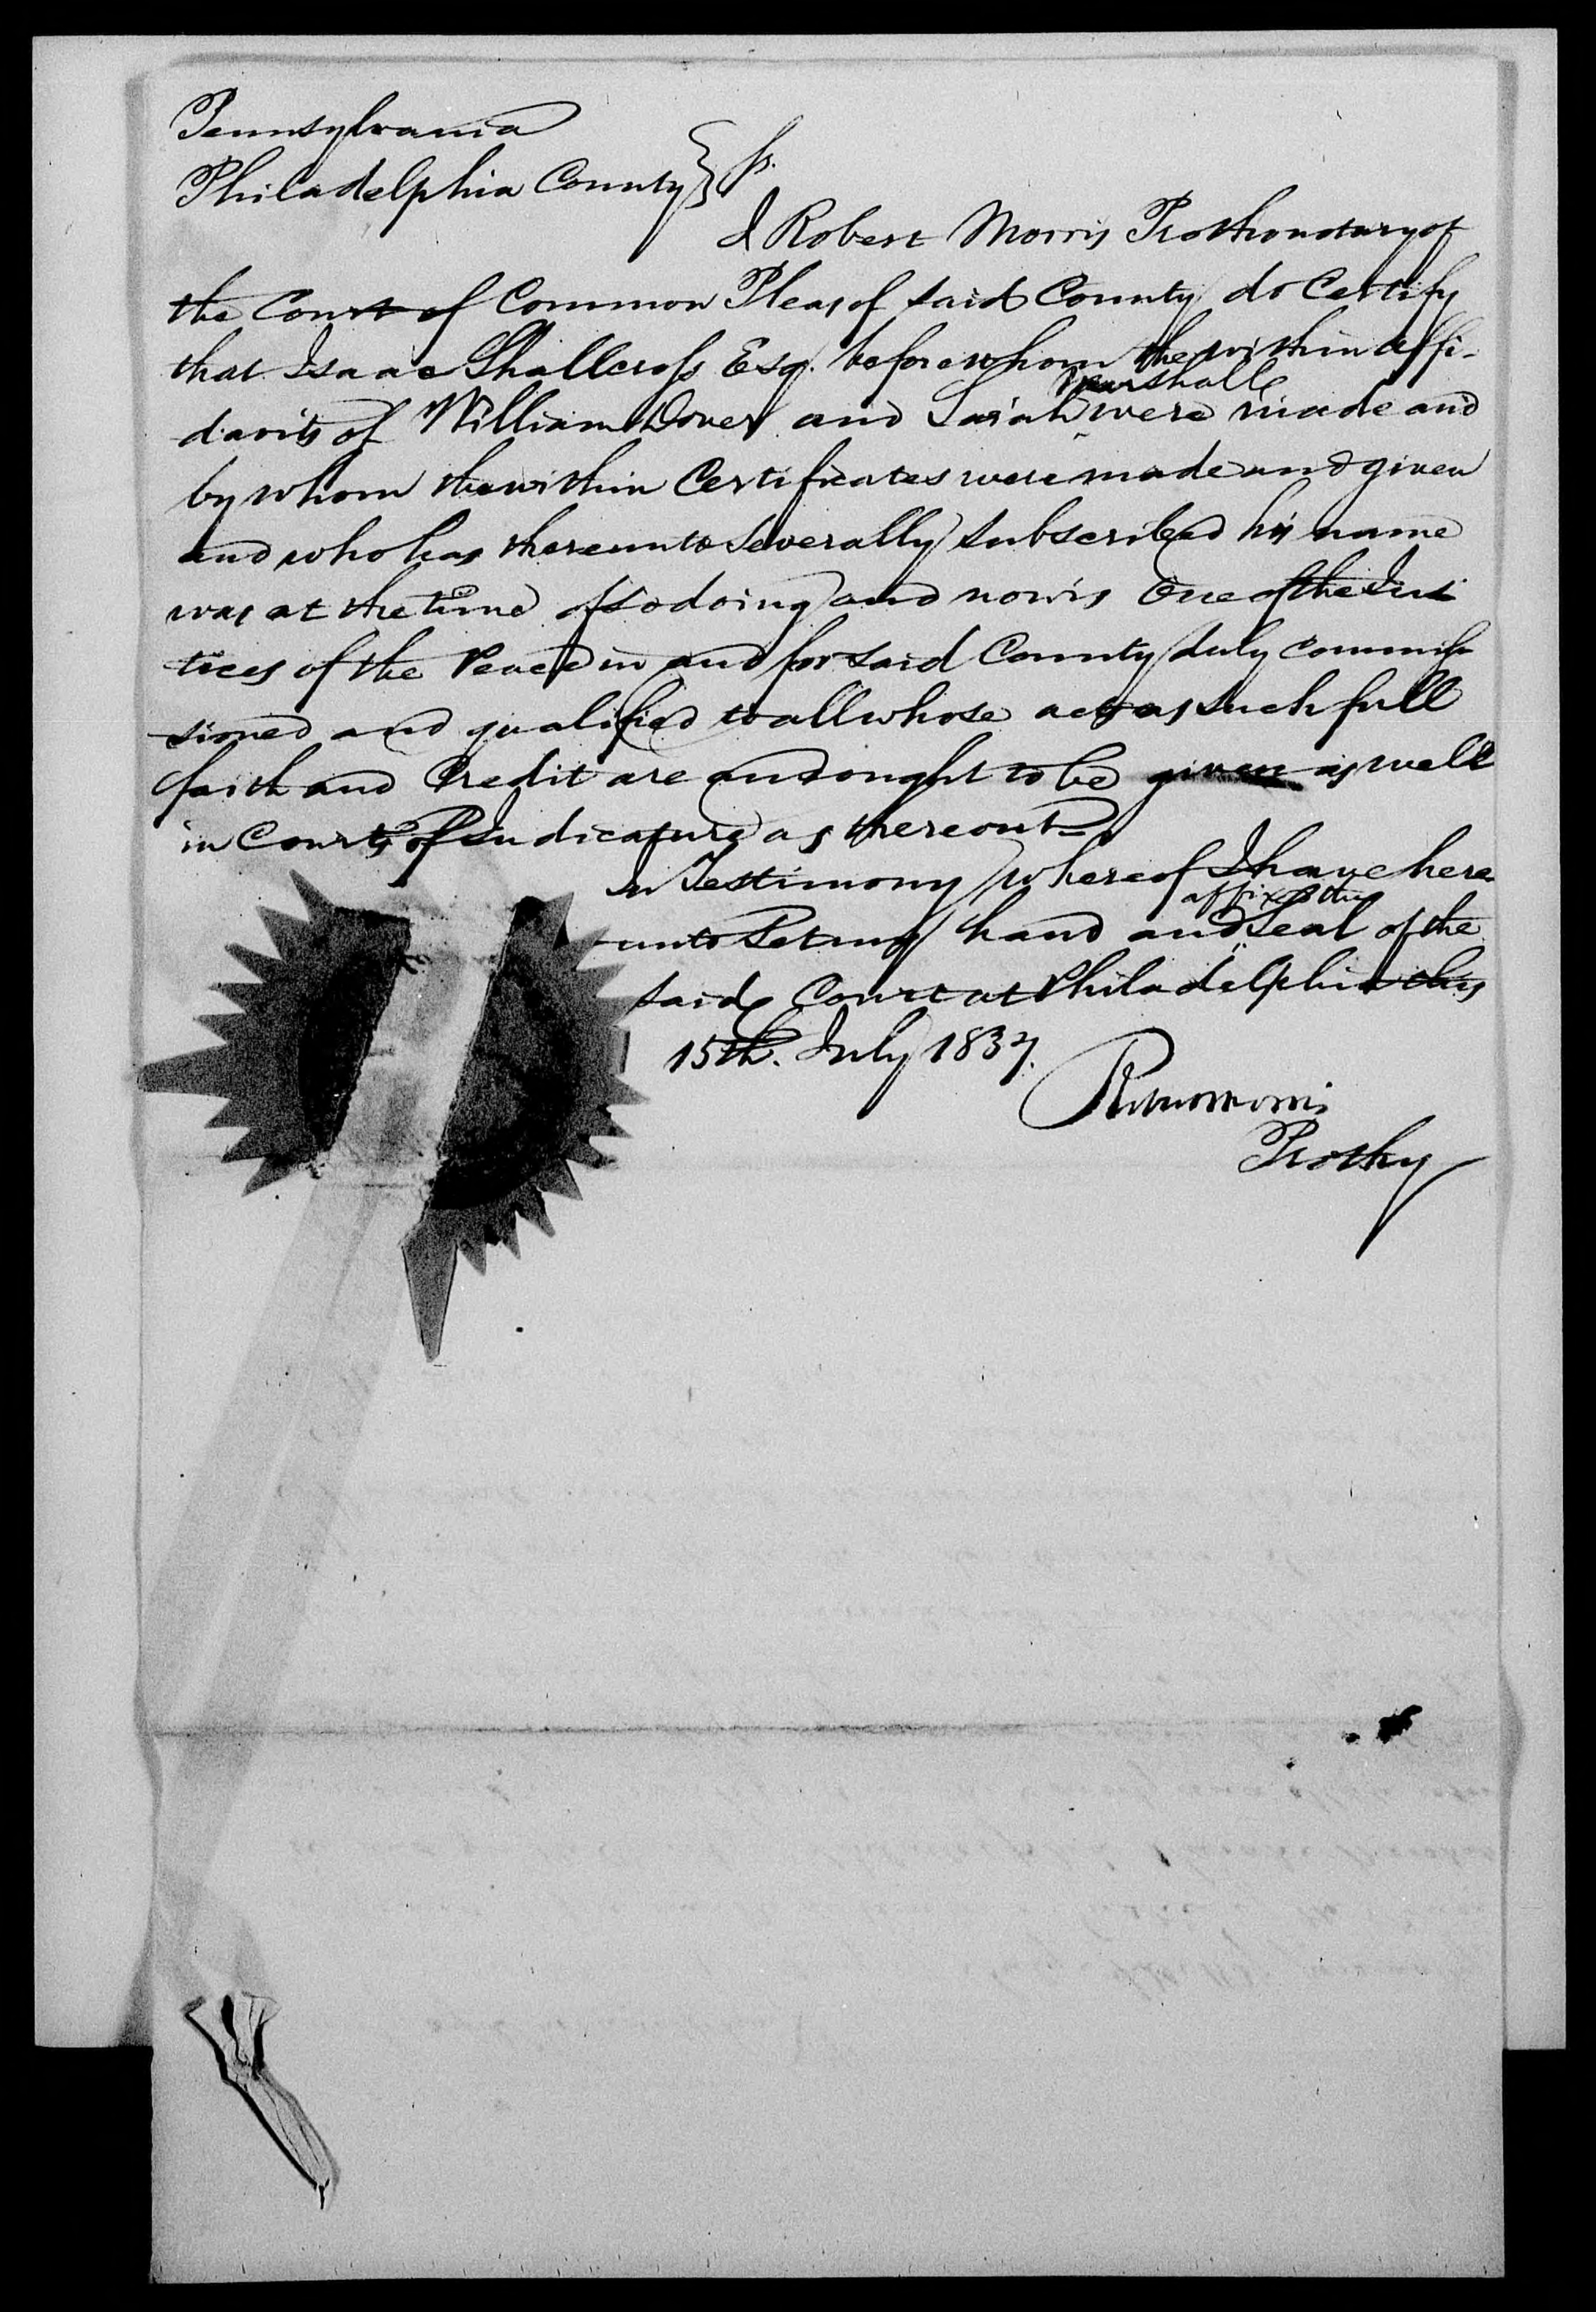Pennsylvania
Philadelphia County

I Robert Morris Prothonotary of the Court of Common Pleas of said County do certify that Isaac Ghallcrop Esq before whom this affidavit of William Dover and Isaiah Marshall made and by whom than this Certificates were made and given and who has thereunto severally subscribed his name was at the time [illegible] doing and now's one of the Justices of the Peace in and for said County duly commissioned and qualified to all whose act as such full faith and credibility are and ought to be given as well in Court of  [illegible] as thereunto.

In testimony whereof I have here unto set my hand and affixed seal of the said Court at Philadelphia
15 July 1837

Robert Morris
Prothy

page: 21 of 86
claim: widow's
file: W. 3571, for David Marshall, Pennsylvania